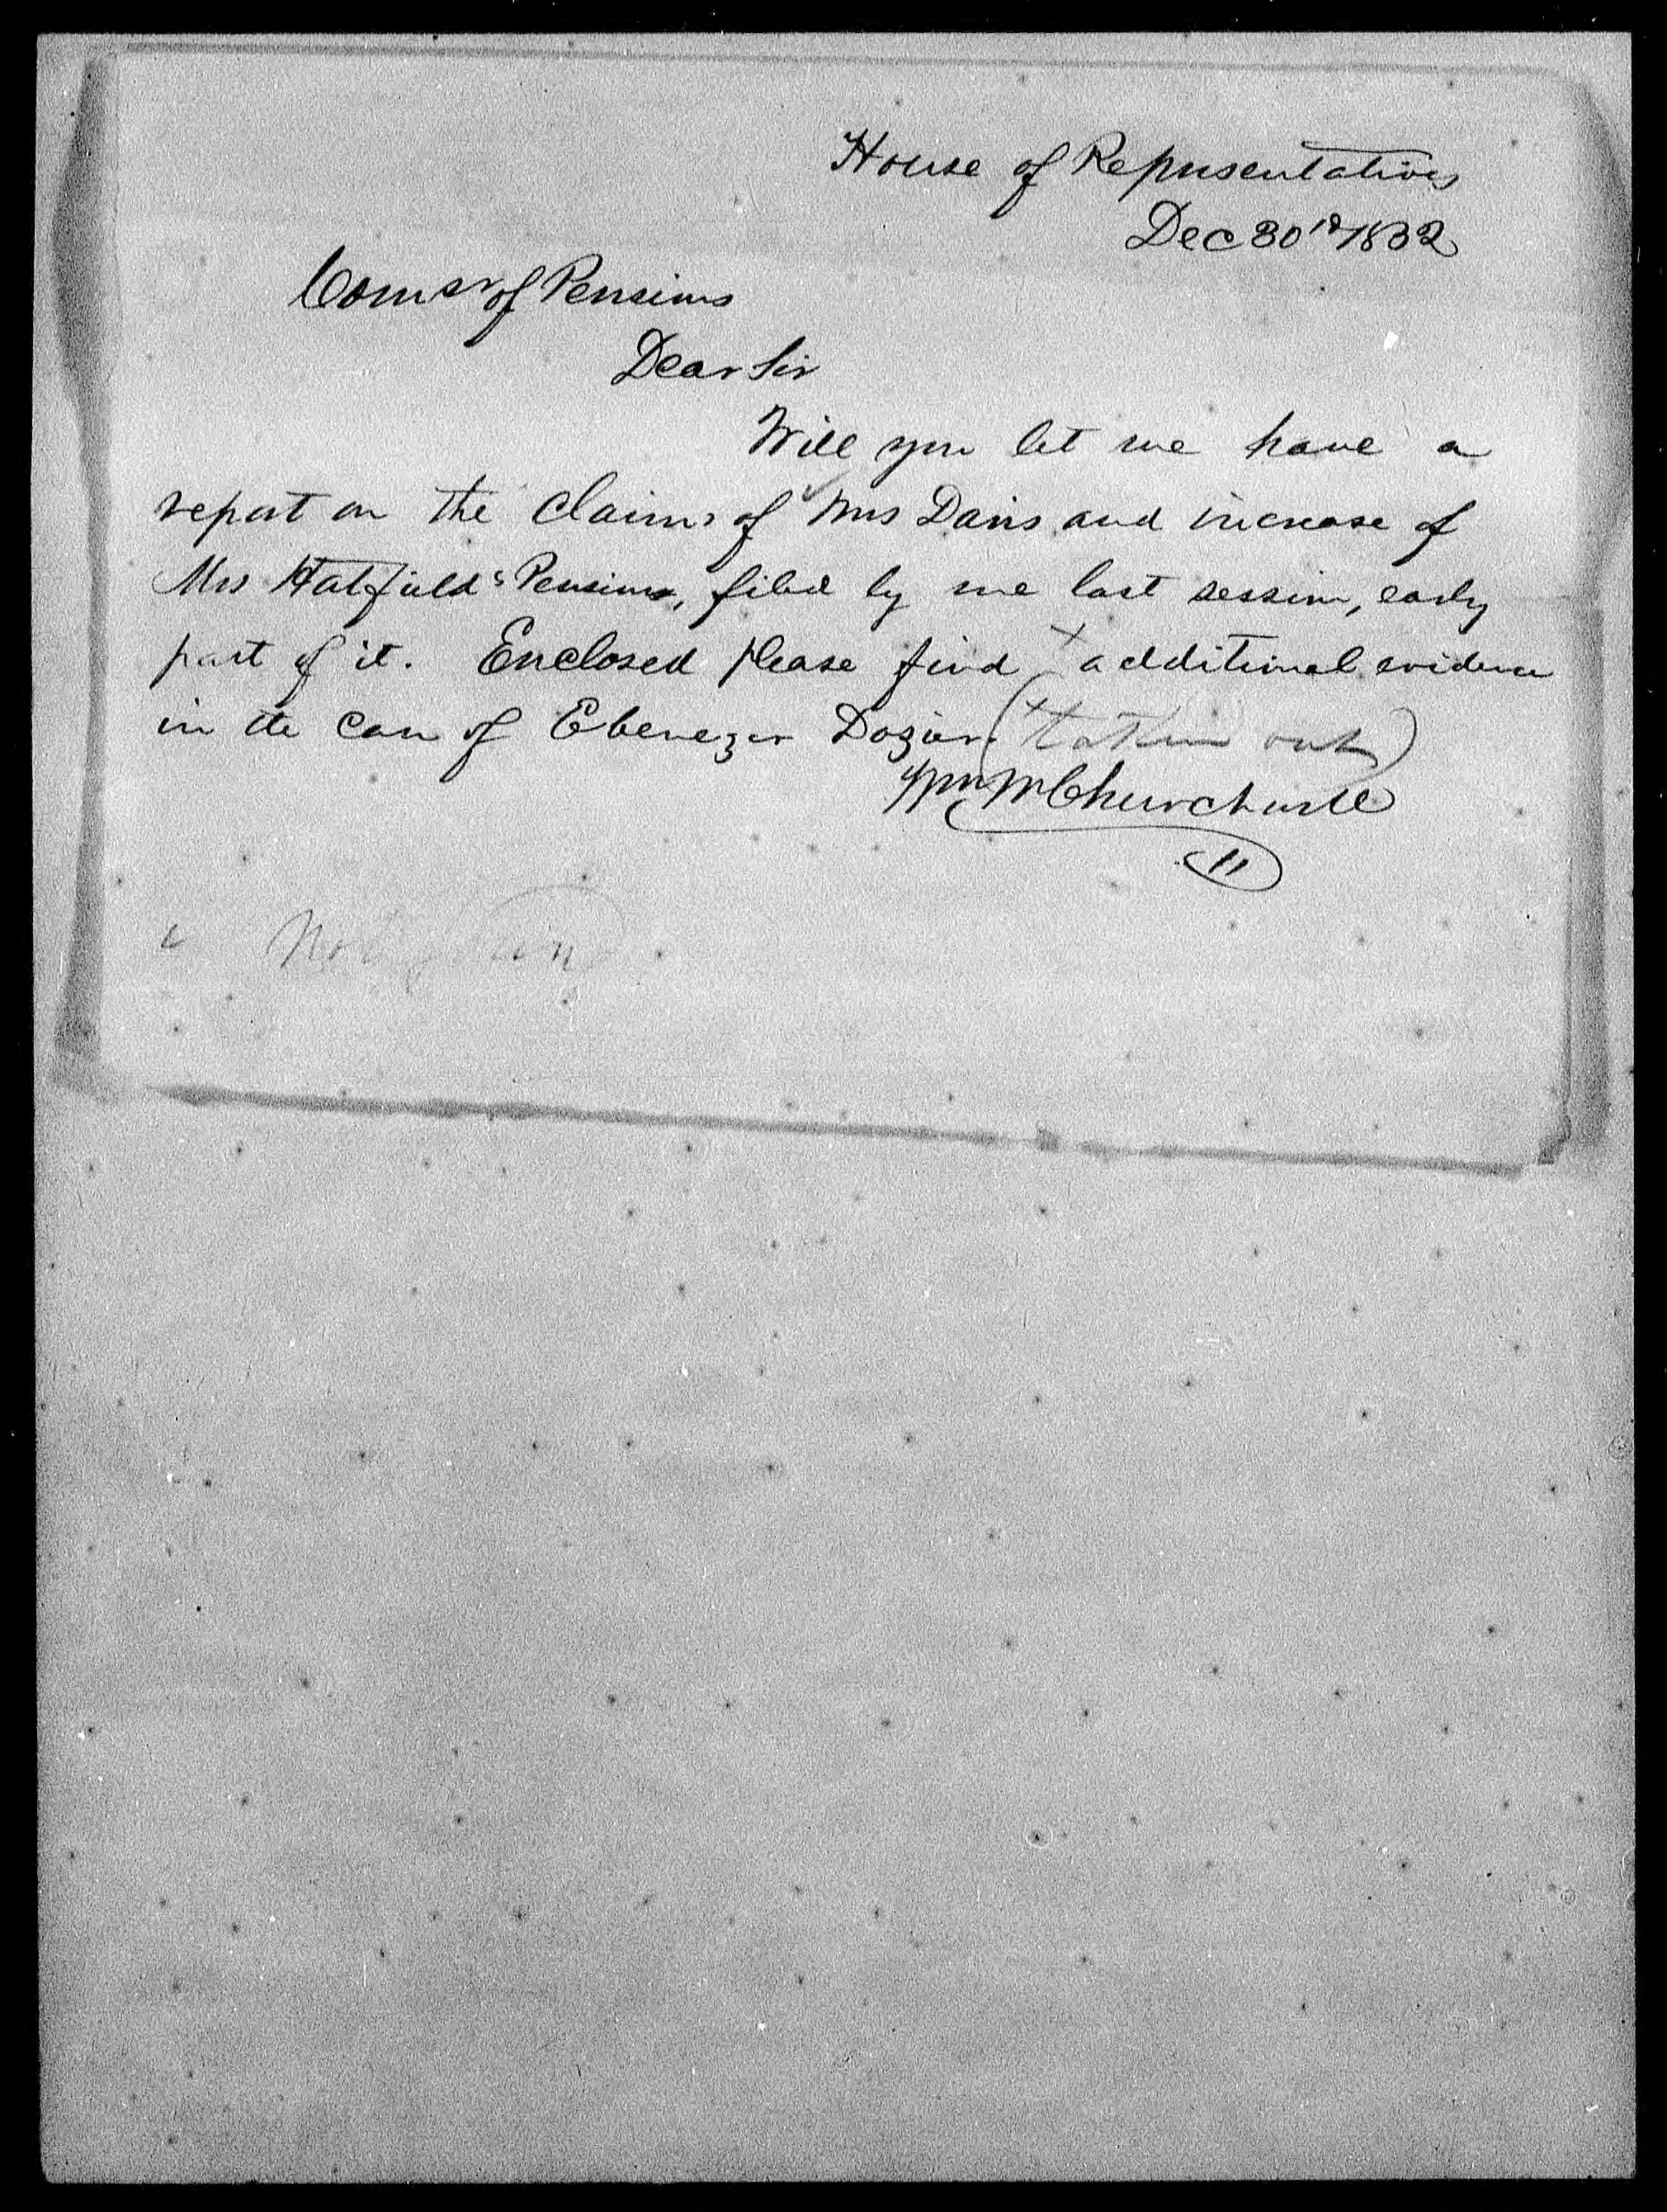House of Representatives
Dec 39th 1852
Comsr of Pensions
Dear Sir
Will you let me have a
report on the Claim of Mrs. Davis and increase of Mrs. Hatfield's Pension, filed by me last session, early part of it. Enclosed please find additional evidence in the Case of Ebenezer Dozier (taken out)
Wm M Churchwell

Not found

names: Ebenezer Dozier, Hatfield, Wm M Churchwell, Davis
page: 36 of 74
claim: widow's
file: W. 5, Joseph Hatfield, Va.